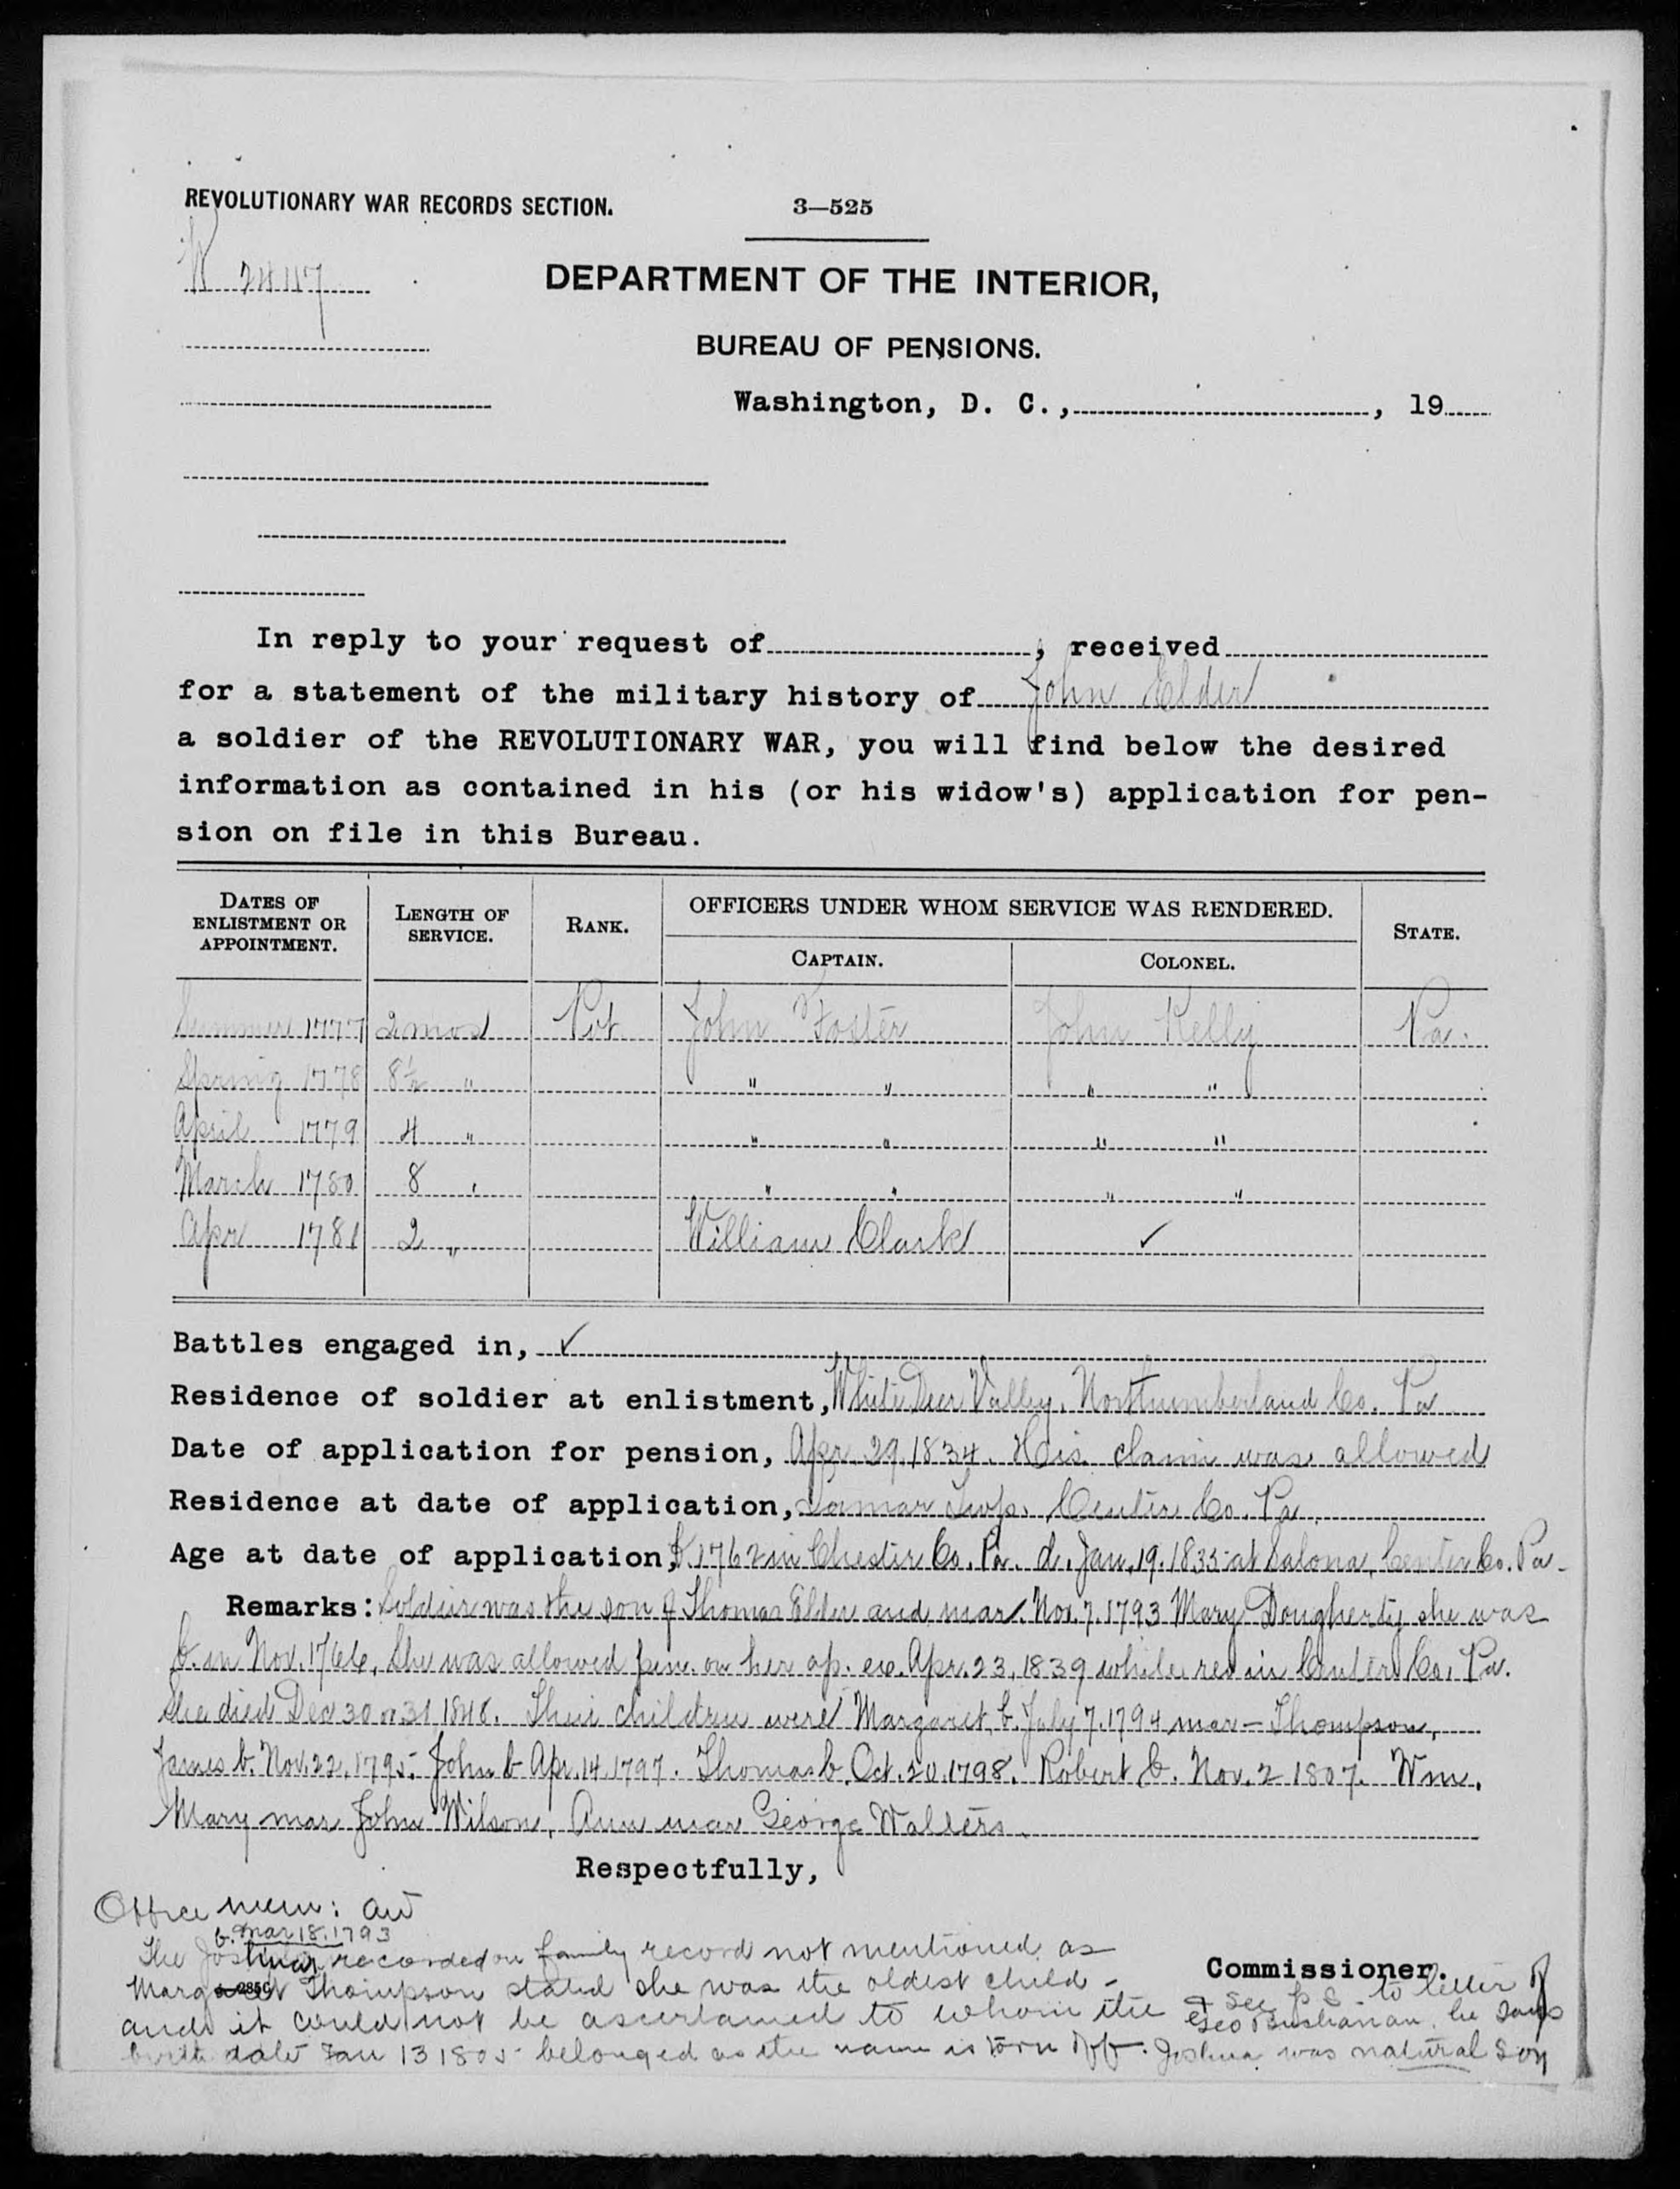REVOLUTIONARY WAR RECORDS SECTION. 3-525 DEPARTMENT OF THE INTERIOR, BUREAU OF PENSIONS. Washington, D.C., -----, 19---

[handwritten 24117]

In reply to your request of ----, received ---- for a statement of the military history of John Elder a soldier of the REVOLUTIONARY WAR, you will find below the desired information as contained in his (of his widow's) application for pension on file in this Bureau.

[column headings: Dates of enlistment or appointment., Length of service., Rank., Officers under whom service was rendered (captain, colonel), State.]
1. Summer 1777, [illegible], Pvt, John Foster, John Kelly, Pa.
2. Spring 1778, 8 1/2 ", , " " , " ", 
3. April 1779, 4 ", , " ", " ",
4. March 1780, 8 ', , " ", " ",
5. Apri 1781, 2 ", , William Clark, [check-mark], 

Battles engaged in, [check-mark]. Residence of soldier at enlistment, White Deer Valley, Northumberland Co. Pa. Date of application for pension, Apr 29 1834, His claim was allowed. Residence at date of application, [illegible] Chester Co. Pa. Age at date of application, b 1767 in Chester Co. Pa, d. Jan 19 1833 at Salona Center Co. Pa.
Remarks: Soldier was the son of Thomas Elder and mar. Nov 7 1793 Mary Dougherty she was b, in Nov, 1766. She was allowed pen. on her ap. [illegible] Apr. 23, 1839 while res in Chester Co, Pa. She died Dec 30 or 31 1848. Their children were Margaret, b. July 7, 1794 mar - Thompson, James b. Nov. 22, 1795. Joen b Apr. 14, 1797. Thomas b. Oct. 20, 1798. Robert b. Nov. 2 1807. Wm. Mary mar John Wilson, Anna mar George Walters. Respectfully, Commissioner.

Office memo: Aid
The Joshua b. Mar 18, 1793 recorded on family record not mentioned as Margaret Thompson stated she was the oldest child and it could not be ascertained to whom the birth date Jan 13 1805 belonged as the name is torn off. & see ps- to letter of Geo Buchanan he says Joshua was natural [underlined] son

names: Joshua, Mary, Margaret Thompson, James, Wm, George Walters, Joshua, John Kelly, John Wilson, Ann, Geo Buchanan, John Foster, William Clark, Thomas, Robert, Mary Dougherty, Thomas Elder, Thompson, John, Margaret, John Elder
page: 64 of 80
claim: widow's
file: W. 24117, John Elder, Penn.